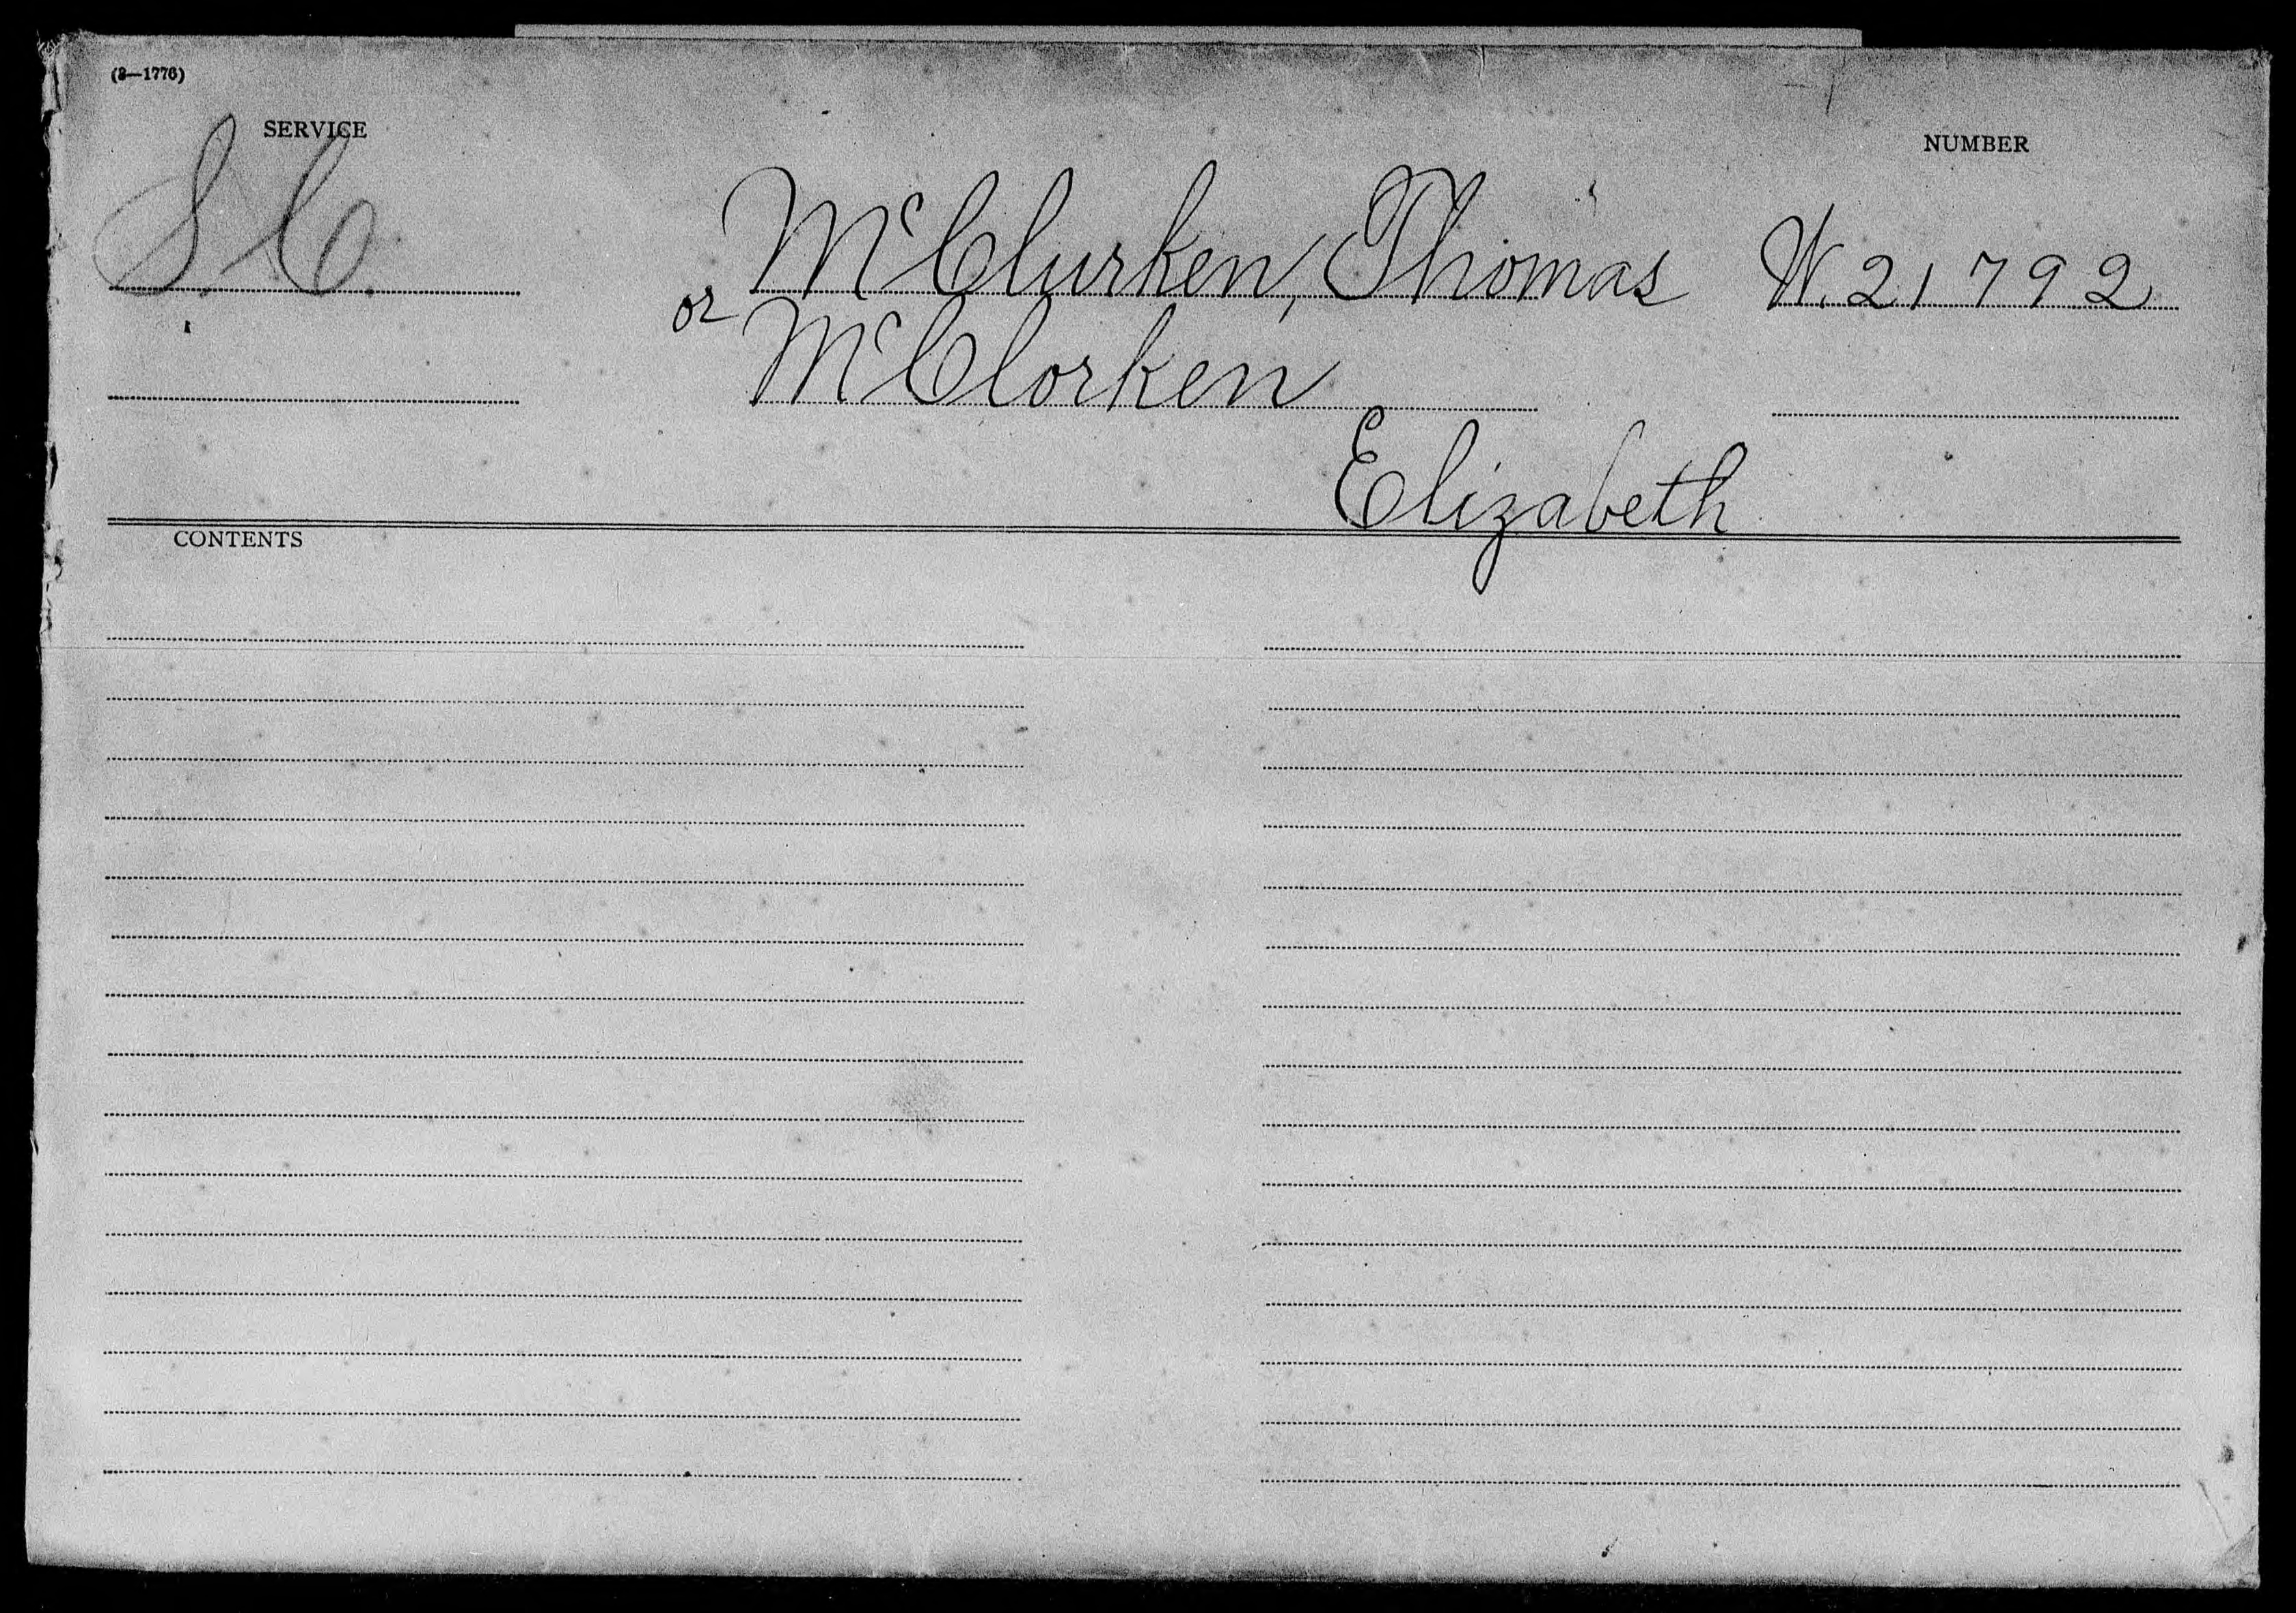(3 - 1776) 
SERVICE NUMBER
McClurken, Thomas  W.21792
or
McClorken

Elizabeth

CONTENTS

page: 1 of 93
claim: widow's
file: W. 21792, for Thomas Mc Clurken, South Carolina